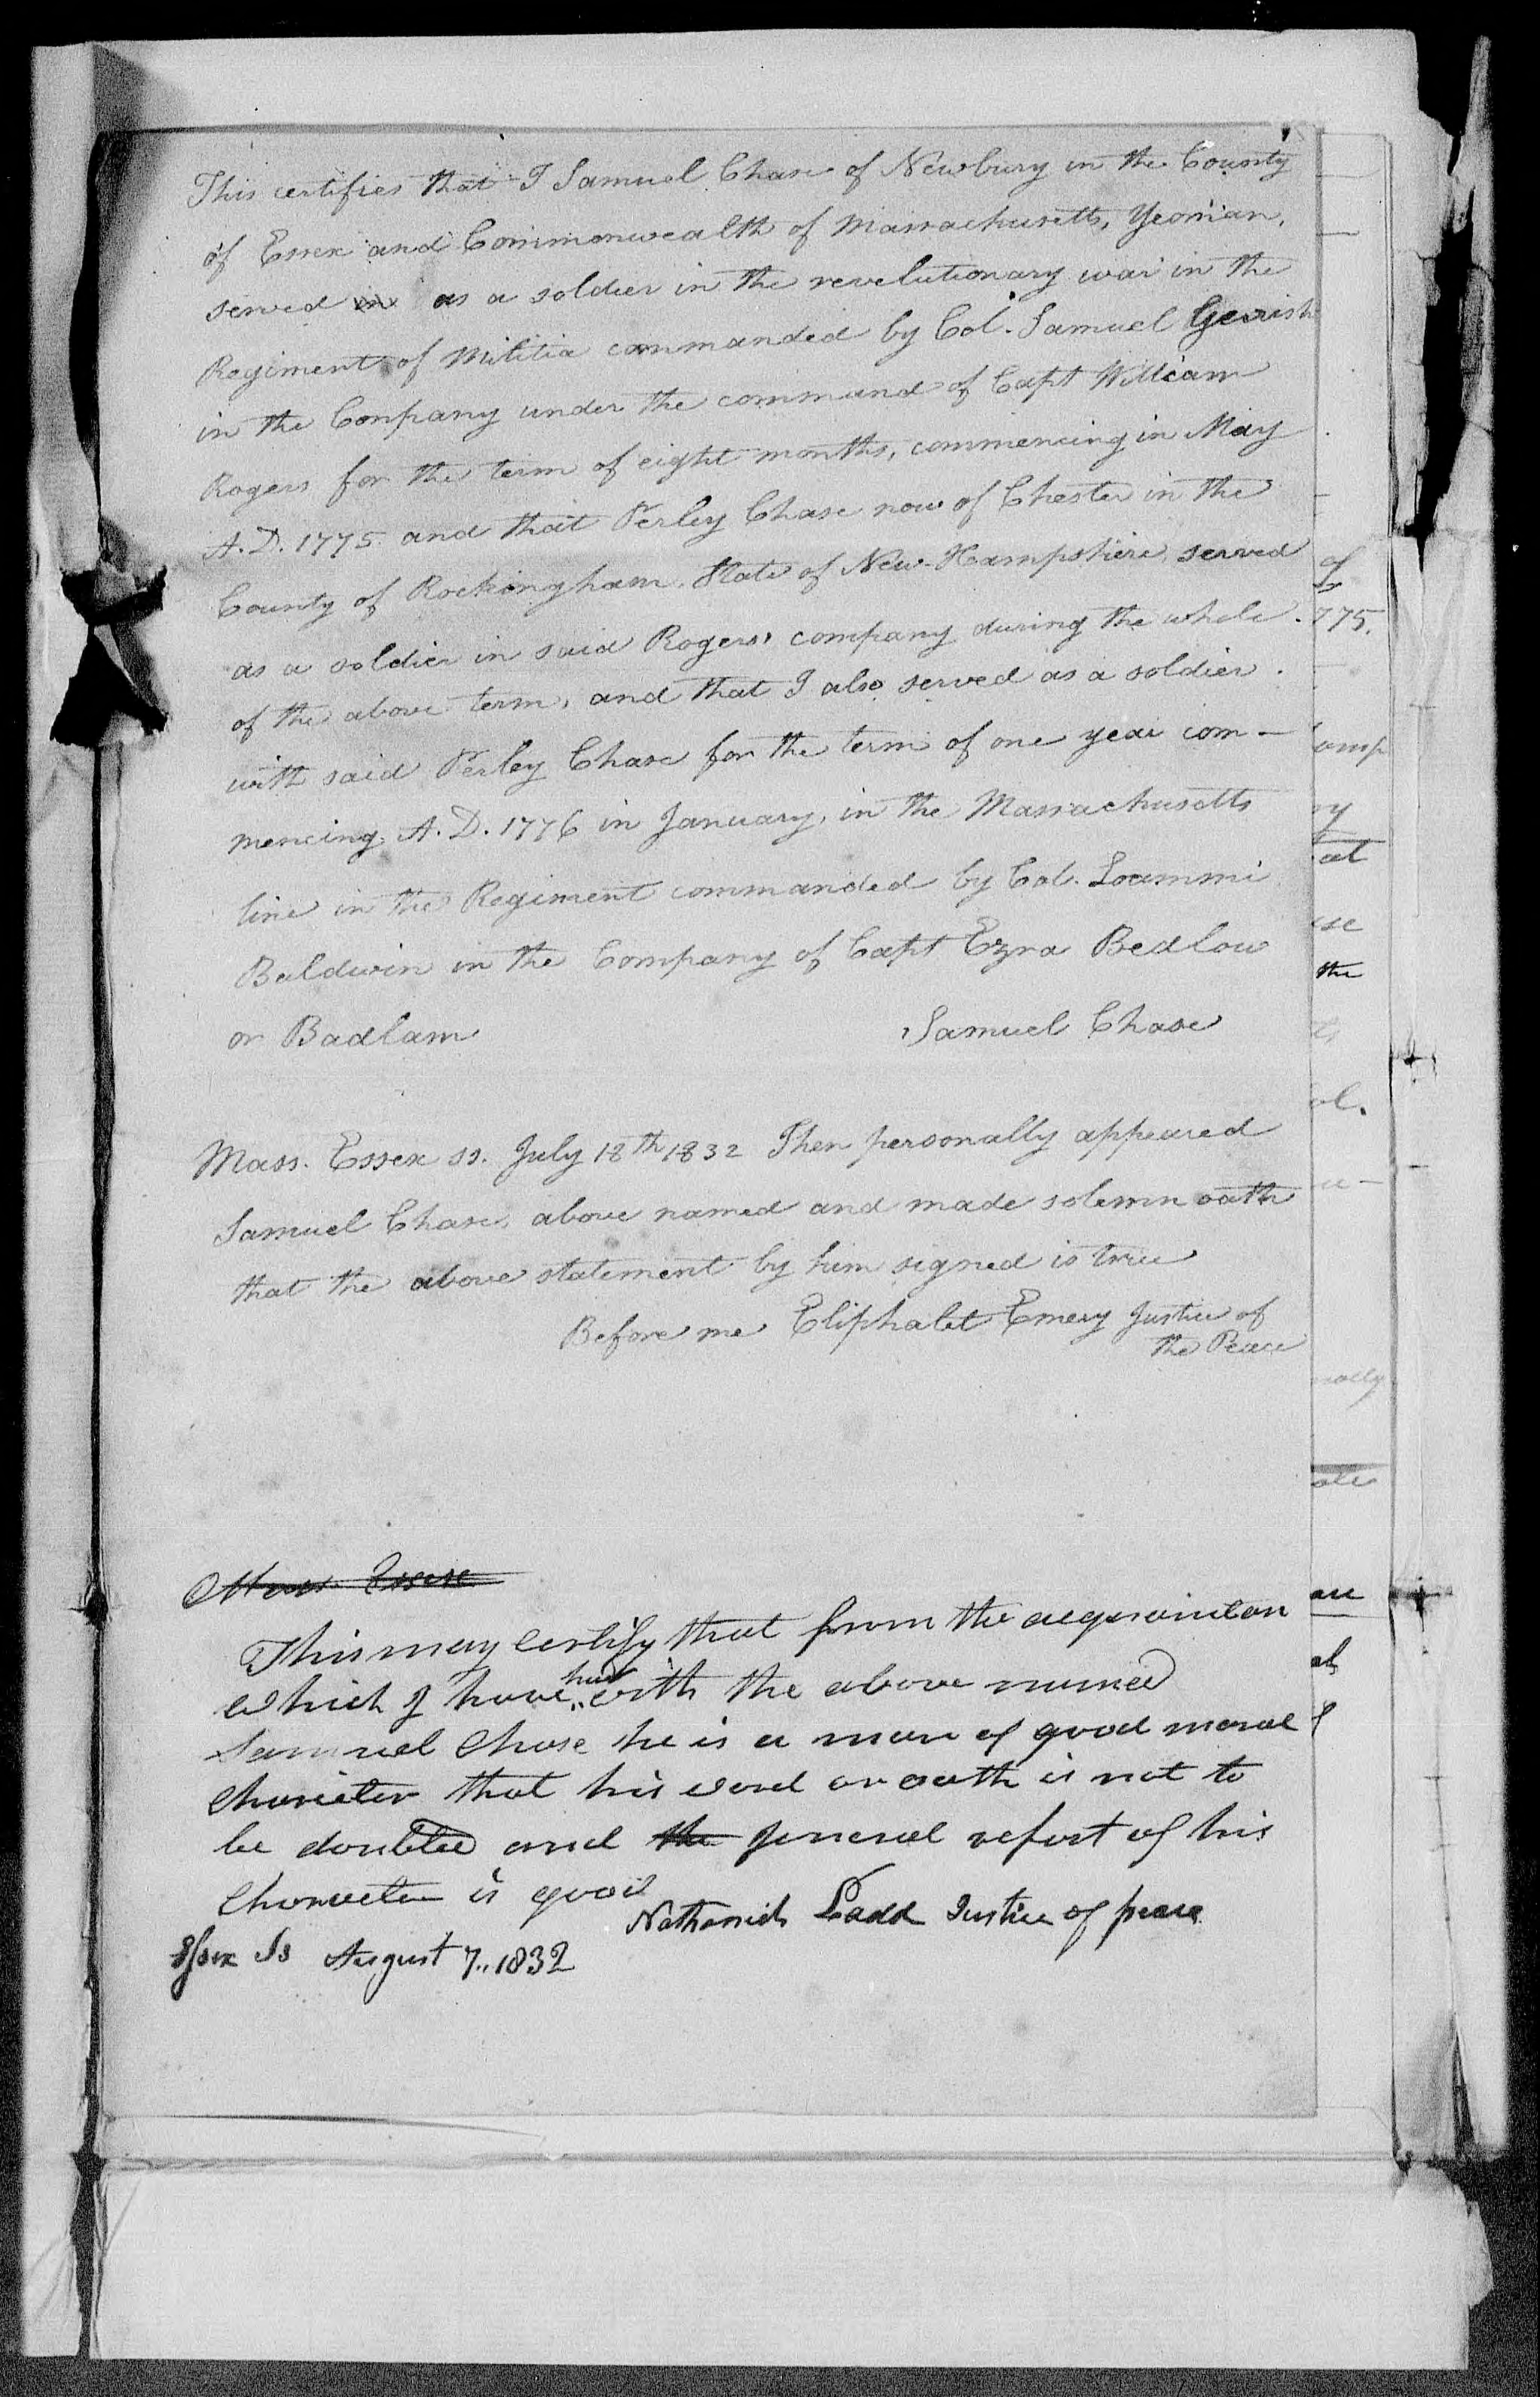This certifies that I Samuel Chares of Newbury in the County
Essex and Commonwealth of Massachusetts, Yeoman
served in as a soldier in the revolutionary war in the
regiment of Militia commanded by Col. Samuel Gerrish
the Company under the command of Capt. William
Rogers for the term of eight months, commencing in May
A.D. 1775 and that Perley Chase now of Chester in the
County of Rockingham, State of New Hampshire, served
as a soldier in said Rogers company during the whole
of the above term, and that I also served as a soldier
with said Orley Chase for the term of one year commencing
A. D. 1776 in January, in the Massachusetts
line in the Regiment commanded by Col. Loammi
Baldwin in the Company of Capt. Ezra Bedlow
or Badlam.
Samuel Chase

Mass. Essex ss. July 18th 1832 Then personally appeared
Samuel Chases above named and made solemn oath
that the above statement by him signed is true.
Before me Eliphalet Emery Justice of the Peace

This may certify that from the acquaintance
which I have had with the above named
Samuel Chase he is a man of good moral
character that his word or oath is not to
be doubted and the general report of his
character is good.
Essex Ss August 7, 1832
Nathaniel Ladd Justice of Peace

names: Perley Chase, William Rogers, Samuel Chase, Ezra Badlam, Loammi Baldwin, Eliphalet Emery, Samuel Chase, Perley Chase, Samuel Chase, Nathaniel Ladd, Samuel Gerrish, Samuel Chase, Ezra Bedlow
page: 16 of 24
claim: survivor's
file: S. 17879, Perley Chase, Continental Mass.